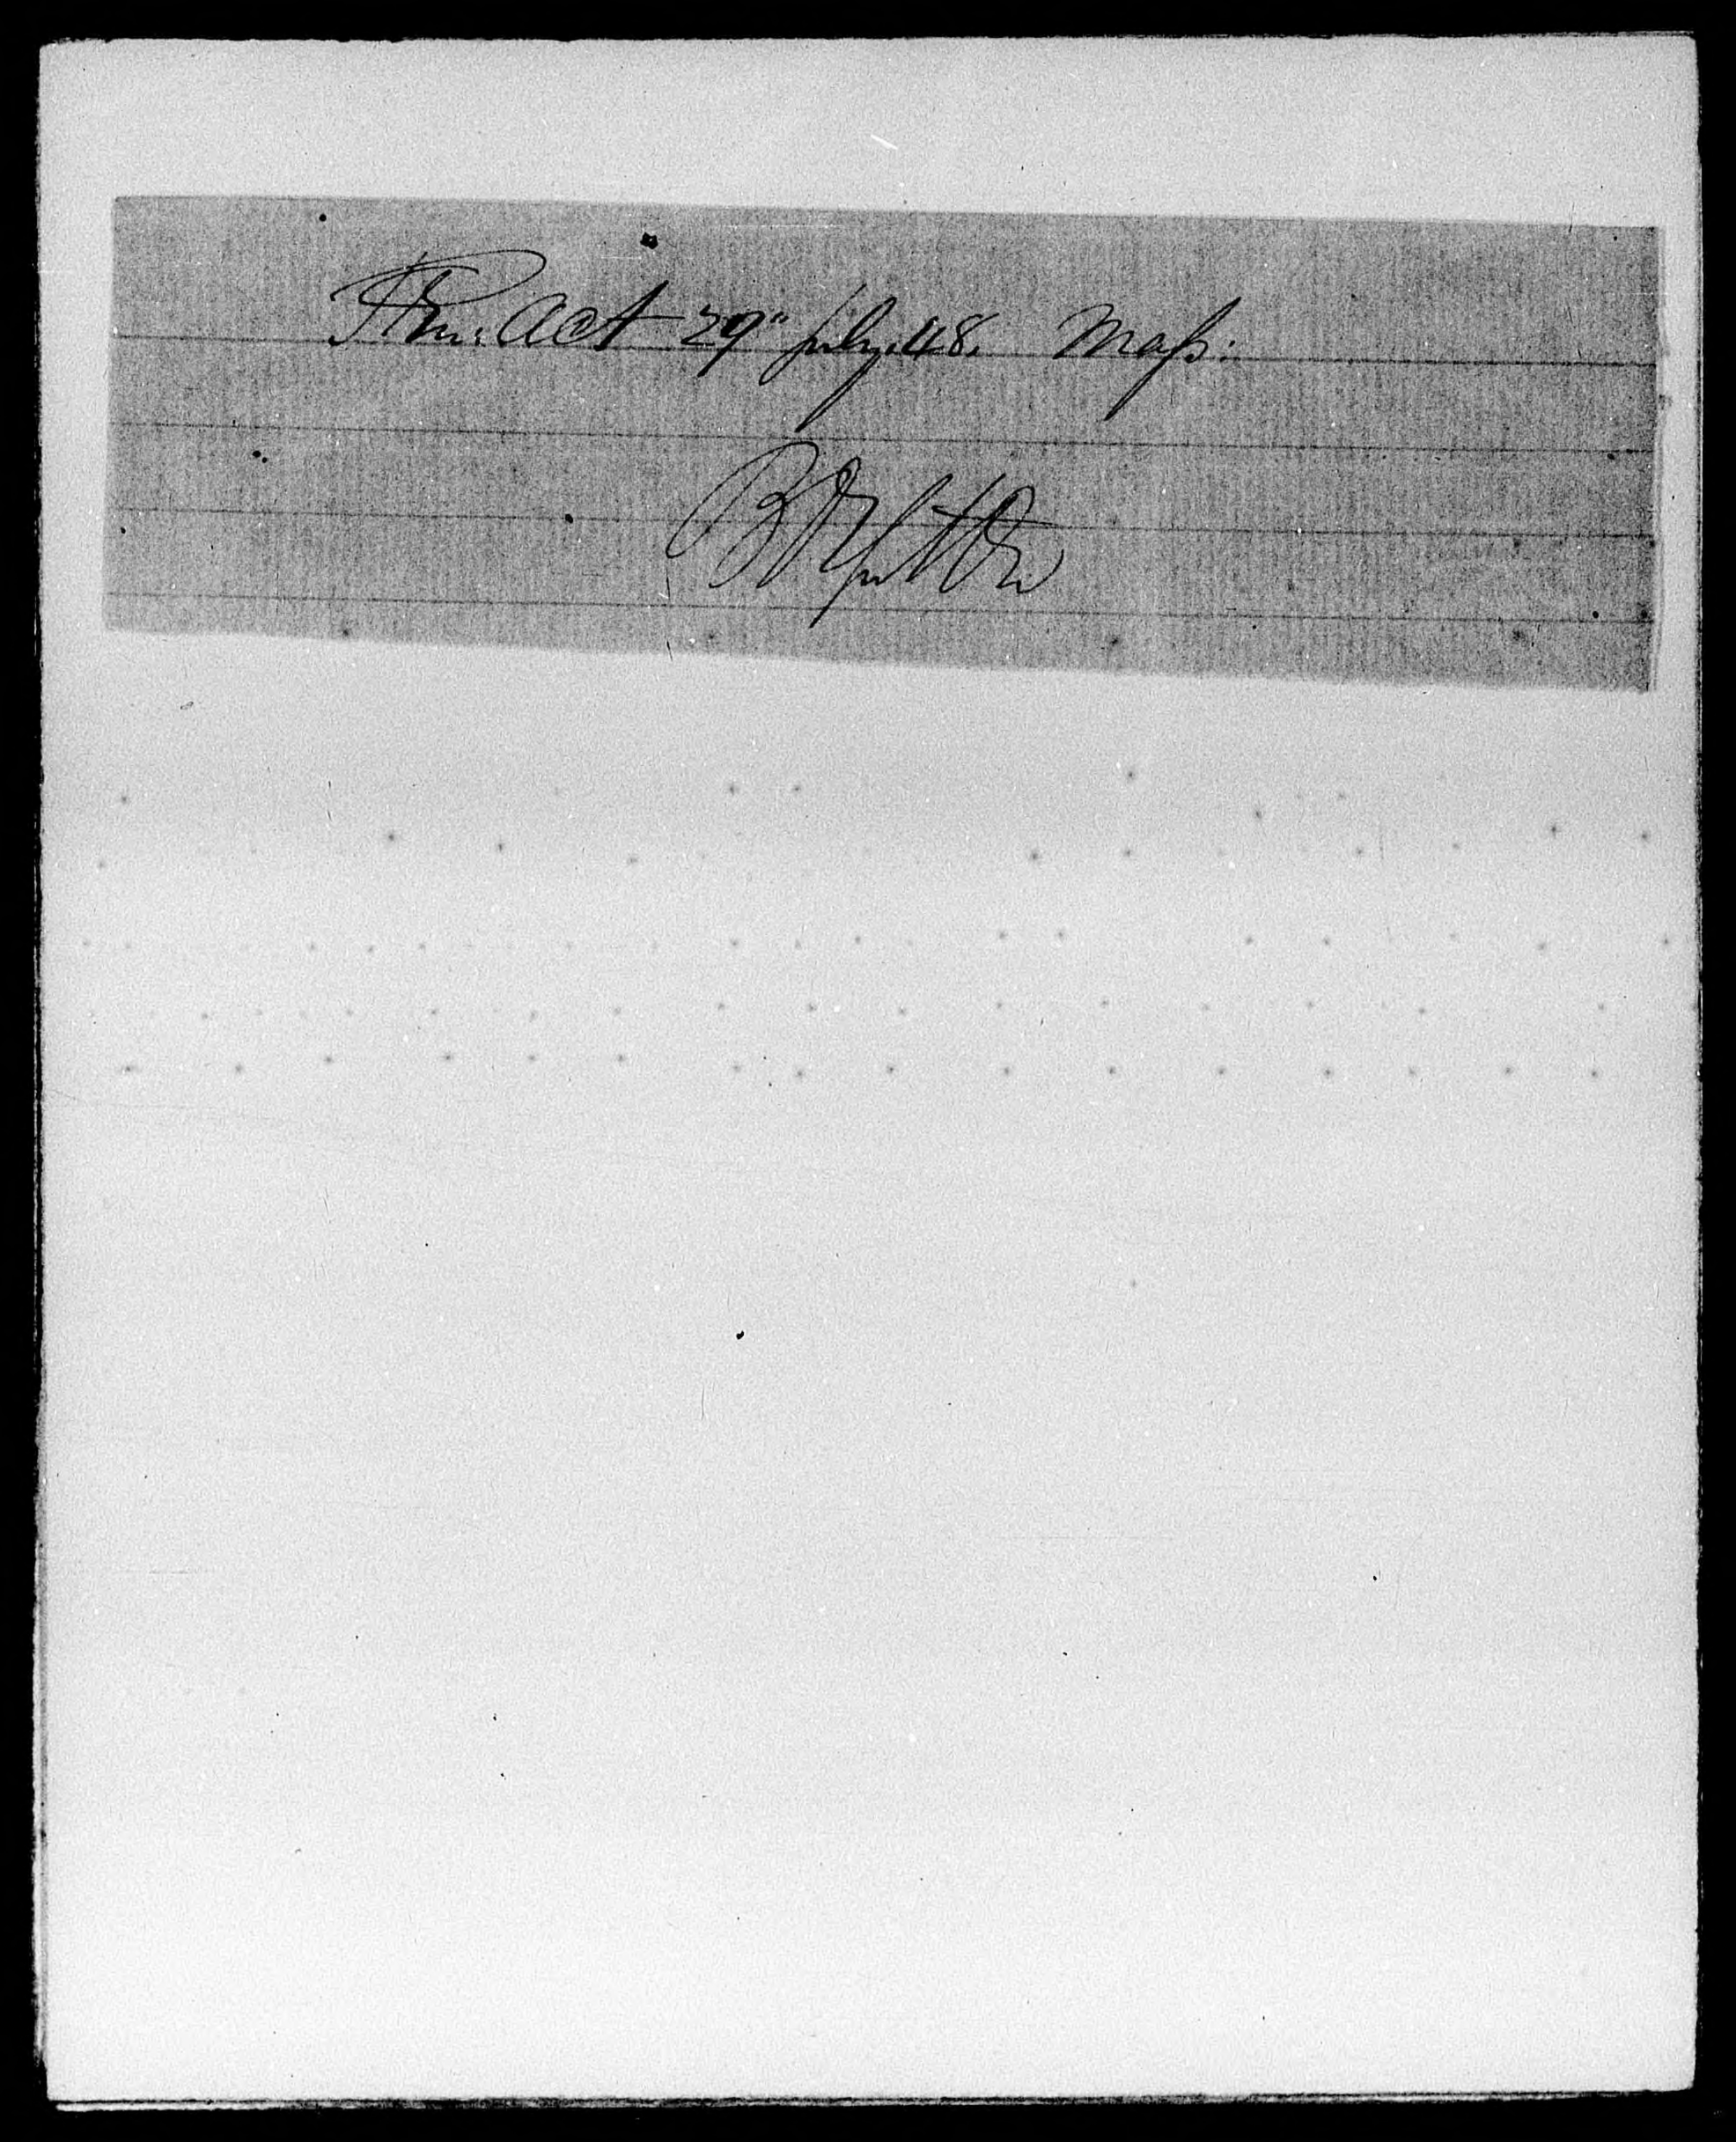Pri. Act 29" July 48. Mass.
Boynton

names: Boynton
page: 21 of 47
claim: widow's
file: W. 7,302, John Foster, Continental Mass. R.I.